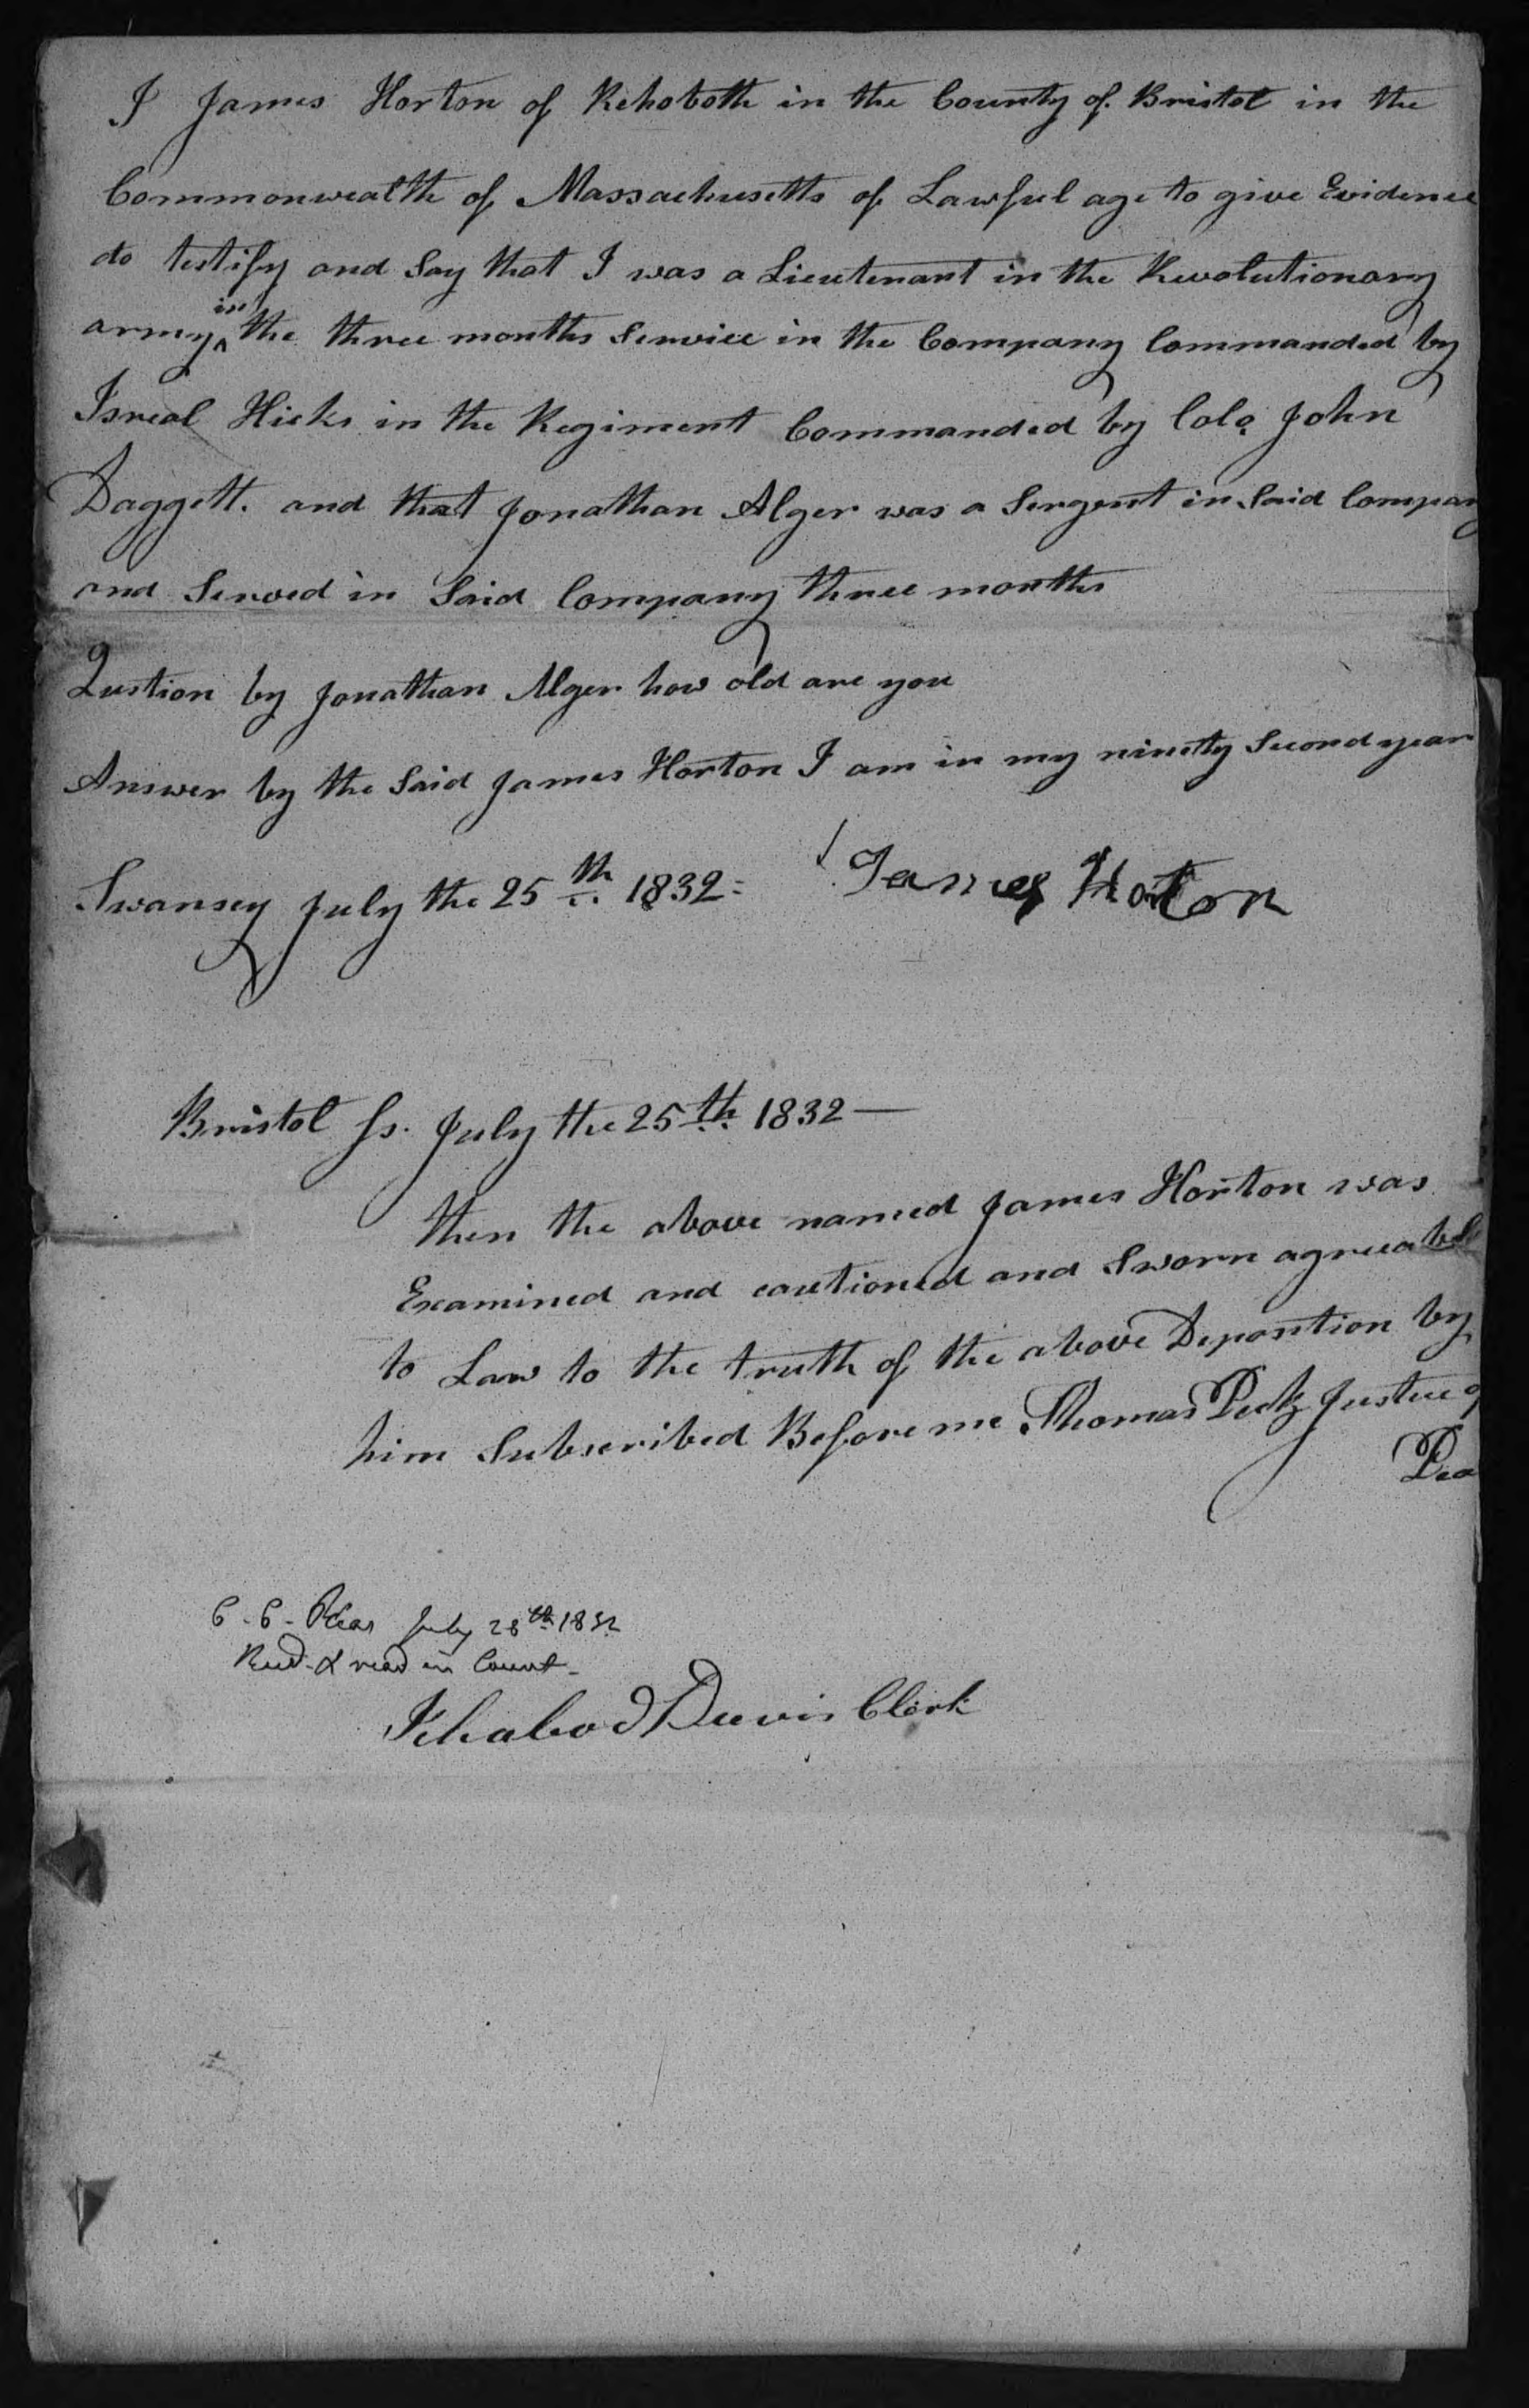I James Horton of Rehoboth in the County of Bristol in the Commonwealth of Massachusetts of Lawful age to give evidence do testify and Say that I was a Lieutenant in the Revolutionary army in the three months service in the Company Commanded by Israel Hicks in the Regiment Commanded by Col John Doggett, and that Jonathan Alger was a Sergeant in said Company and Served in Said Company three months
Question by Jonathan Alger how old are you
Answer by the Said James Horton I am in my ninety second year
[signature] James Horton
Swansey July the 25th 1832=
Bristol ss. July the 25th 1832 - 
Then the above named James Horton was Examined and cautioned and Sworn agreeable to Law to the truth of the above Deposition by him Subscribed Before me, Thomas Peck Justice of the Peace
C. C. Pleas July 28th 1832
Rec'd & read in Court -
Ichabod Davis Clerk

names: Ichabod Davis, Jonathan Alger, James Horton, James Horton, James Horton, Thomas Peck, Jonathan Alger, Isreal Hicks, James Horton, John Daggett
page: 5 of 16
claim: survivor's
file: S. 21040, Jonathan Alger, Mass. R. I.